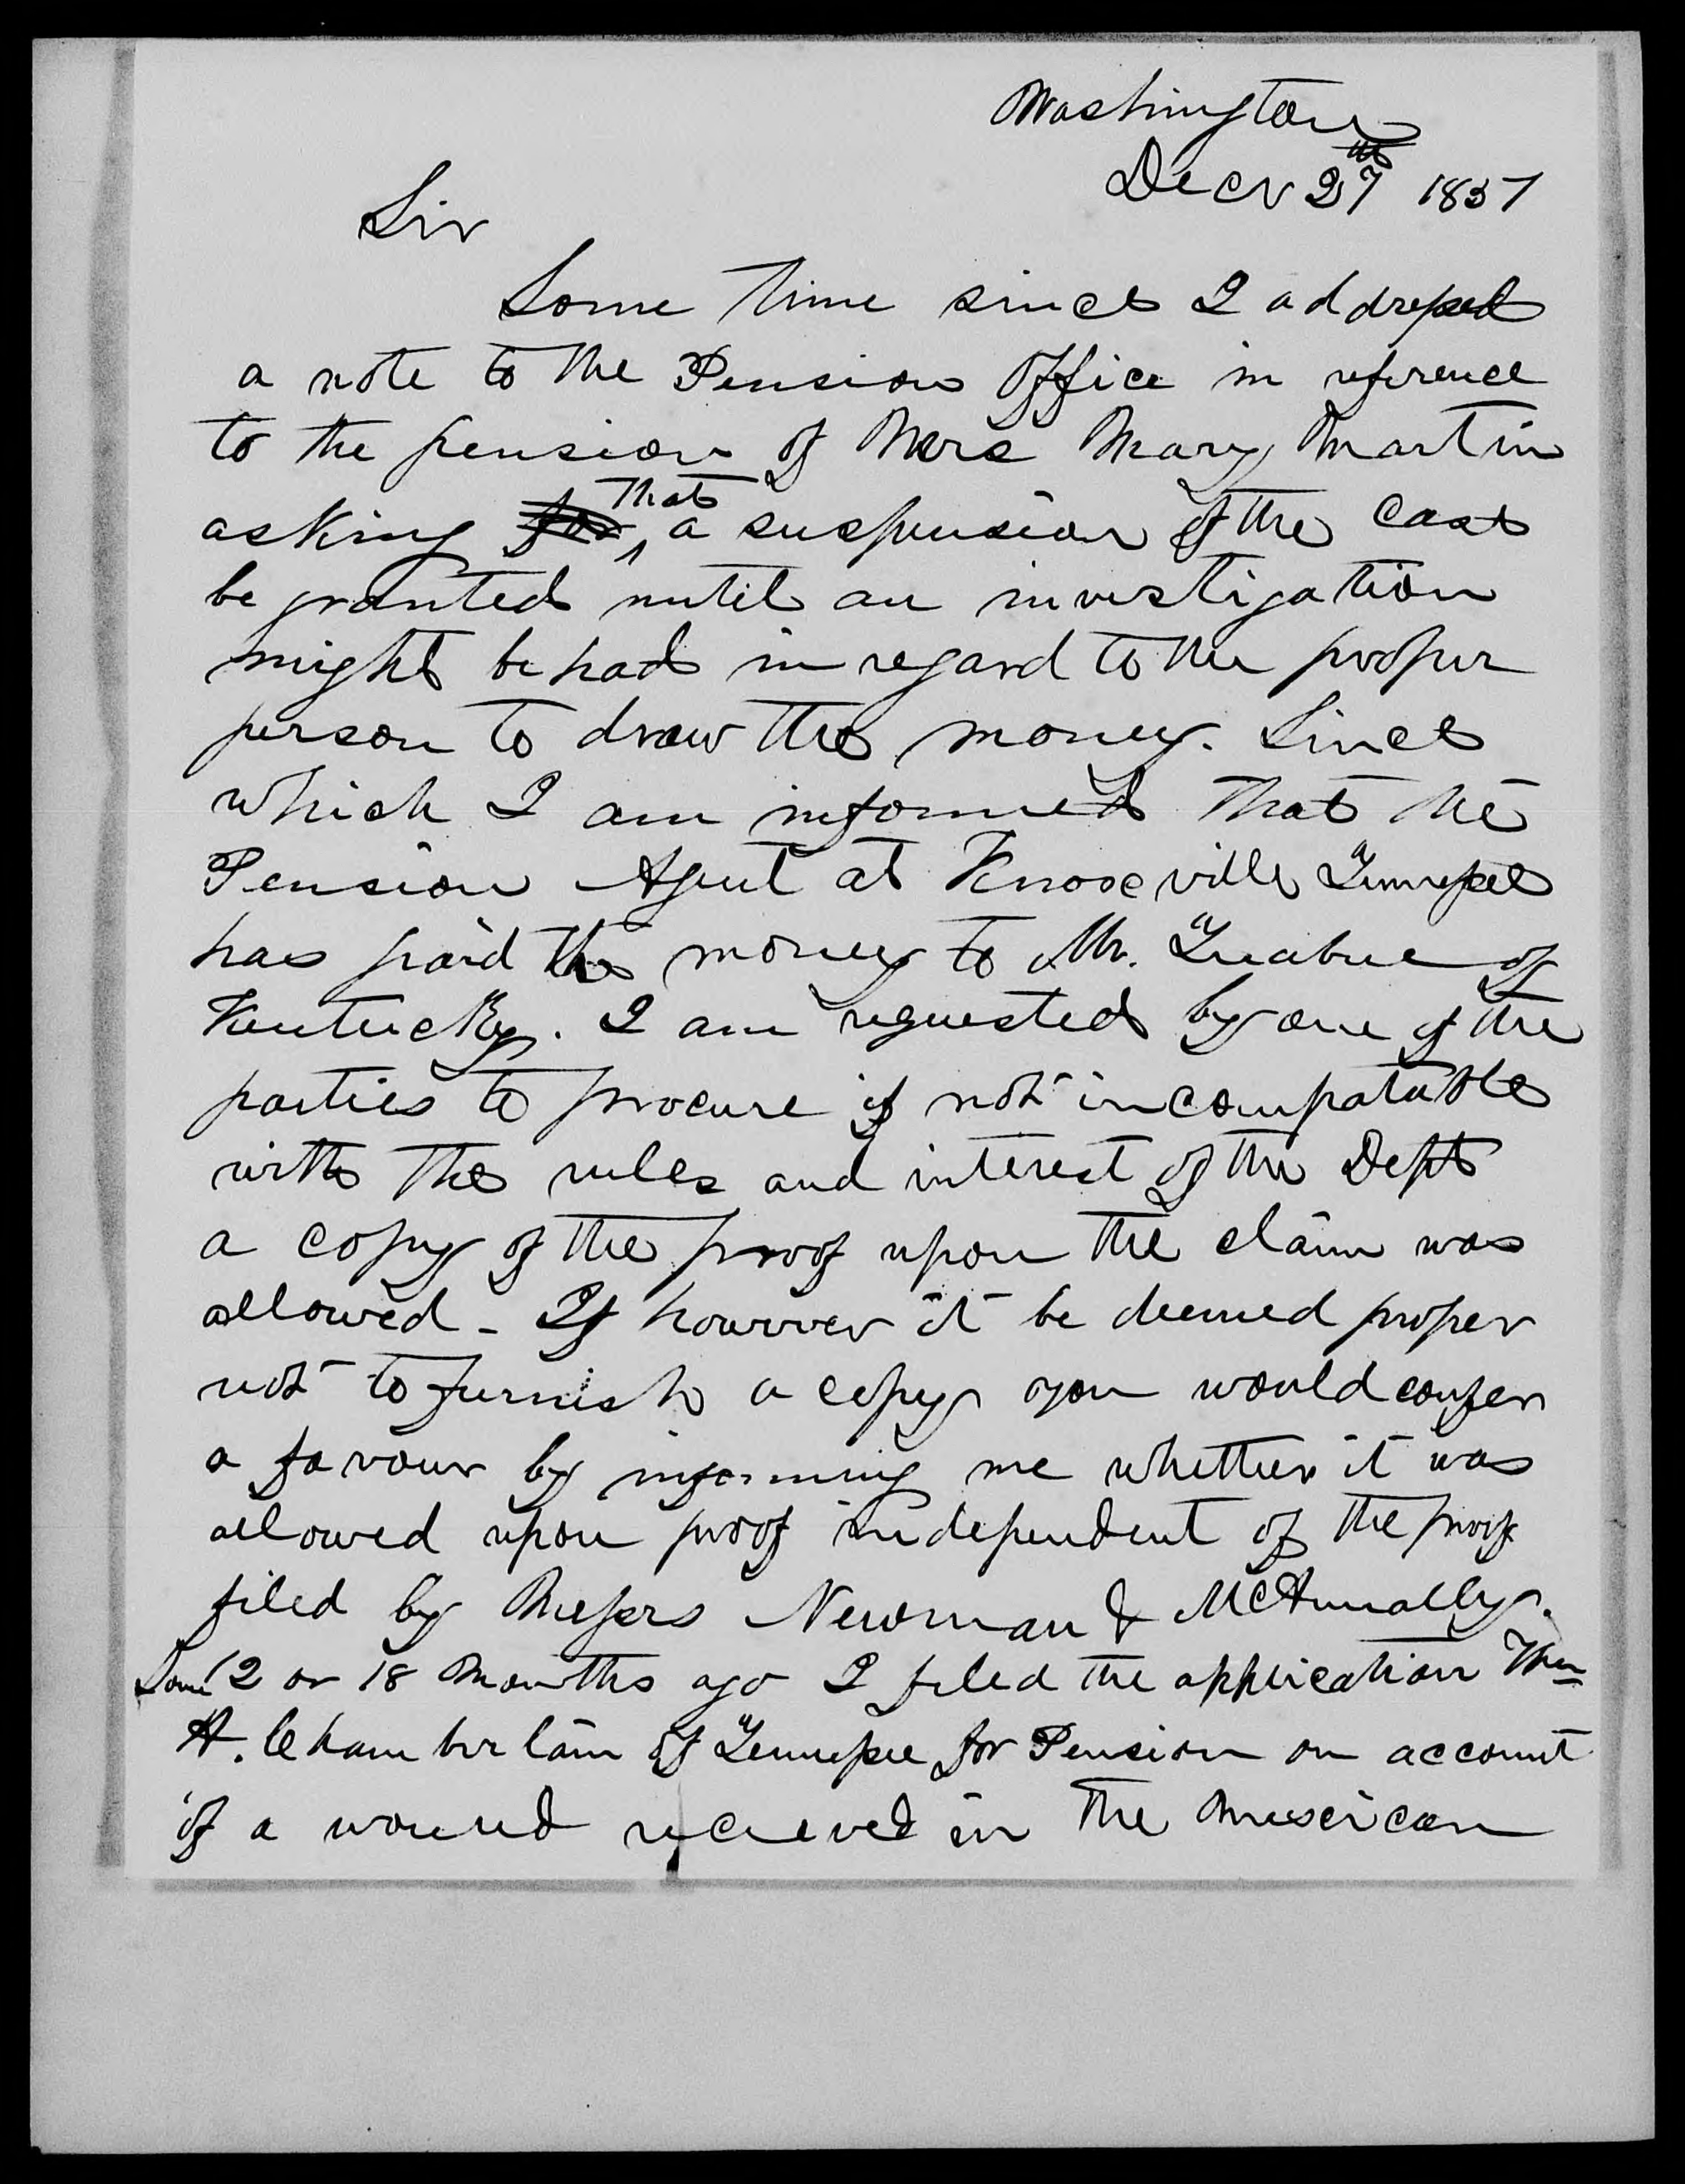Washington
Decr 27th 1857
Sir
Some time since I addressed
a note to the Pension Office in reference
to the pension of Mrs. Mary Martin
asking that a suspension of the [illegible]
be granted until an investigation
might be had in regard to the proper
person to draw the money. Since
which I am informed that the
Pension Agent at Knoxville Tennessee
has paid the money to Mr. Trabue of
Kentucky. I am requested by one of the
parties to procure if not incompatable [incompatible]
with the rules and interest of the Dept
a copy of the proof upon the claim was
allowed. If however it be deemed proper
not to furnish a copy you would confer
favour by informing me whether it was
allowed upon proof Independent of the proof
filed by Messrs Newman & McAnnally
Some 12 or 18 months ago I filed the application then
A. Chamberlain of Tennessee for Pension on account 
of a wound received in the American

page: 63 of 120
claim: widow's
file: W. 1044, for Salathiel Martin, North Carolina